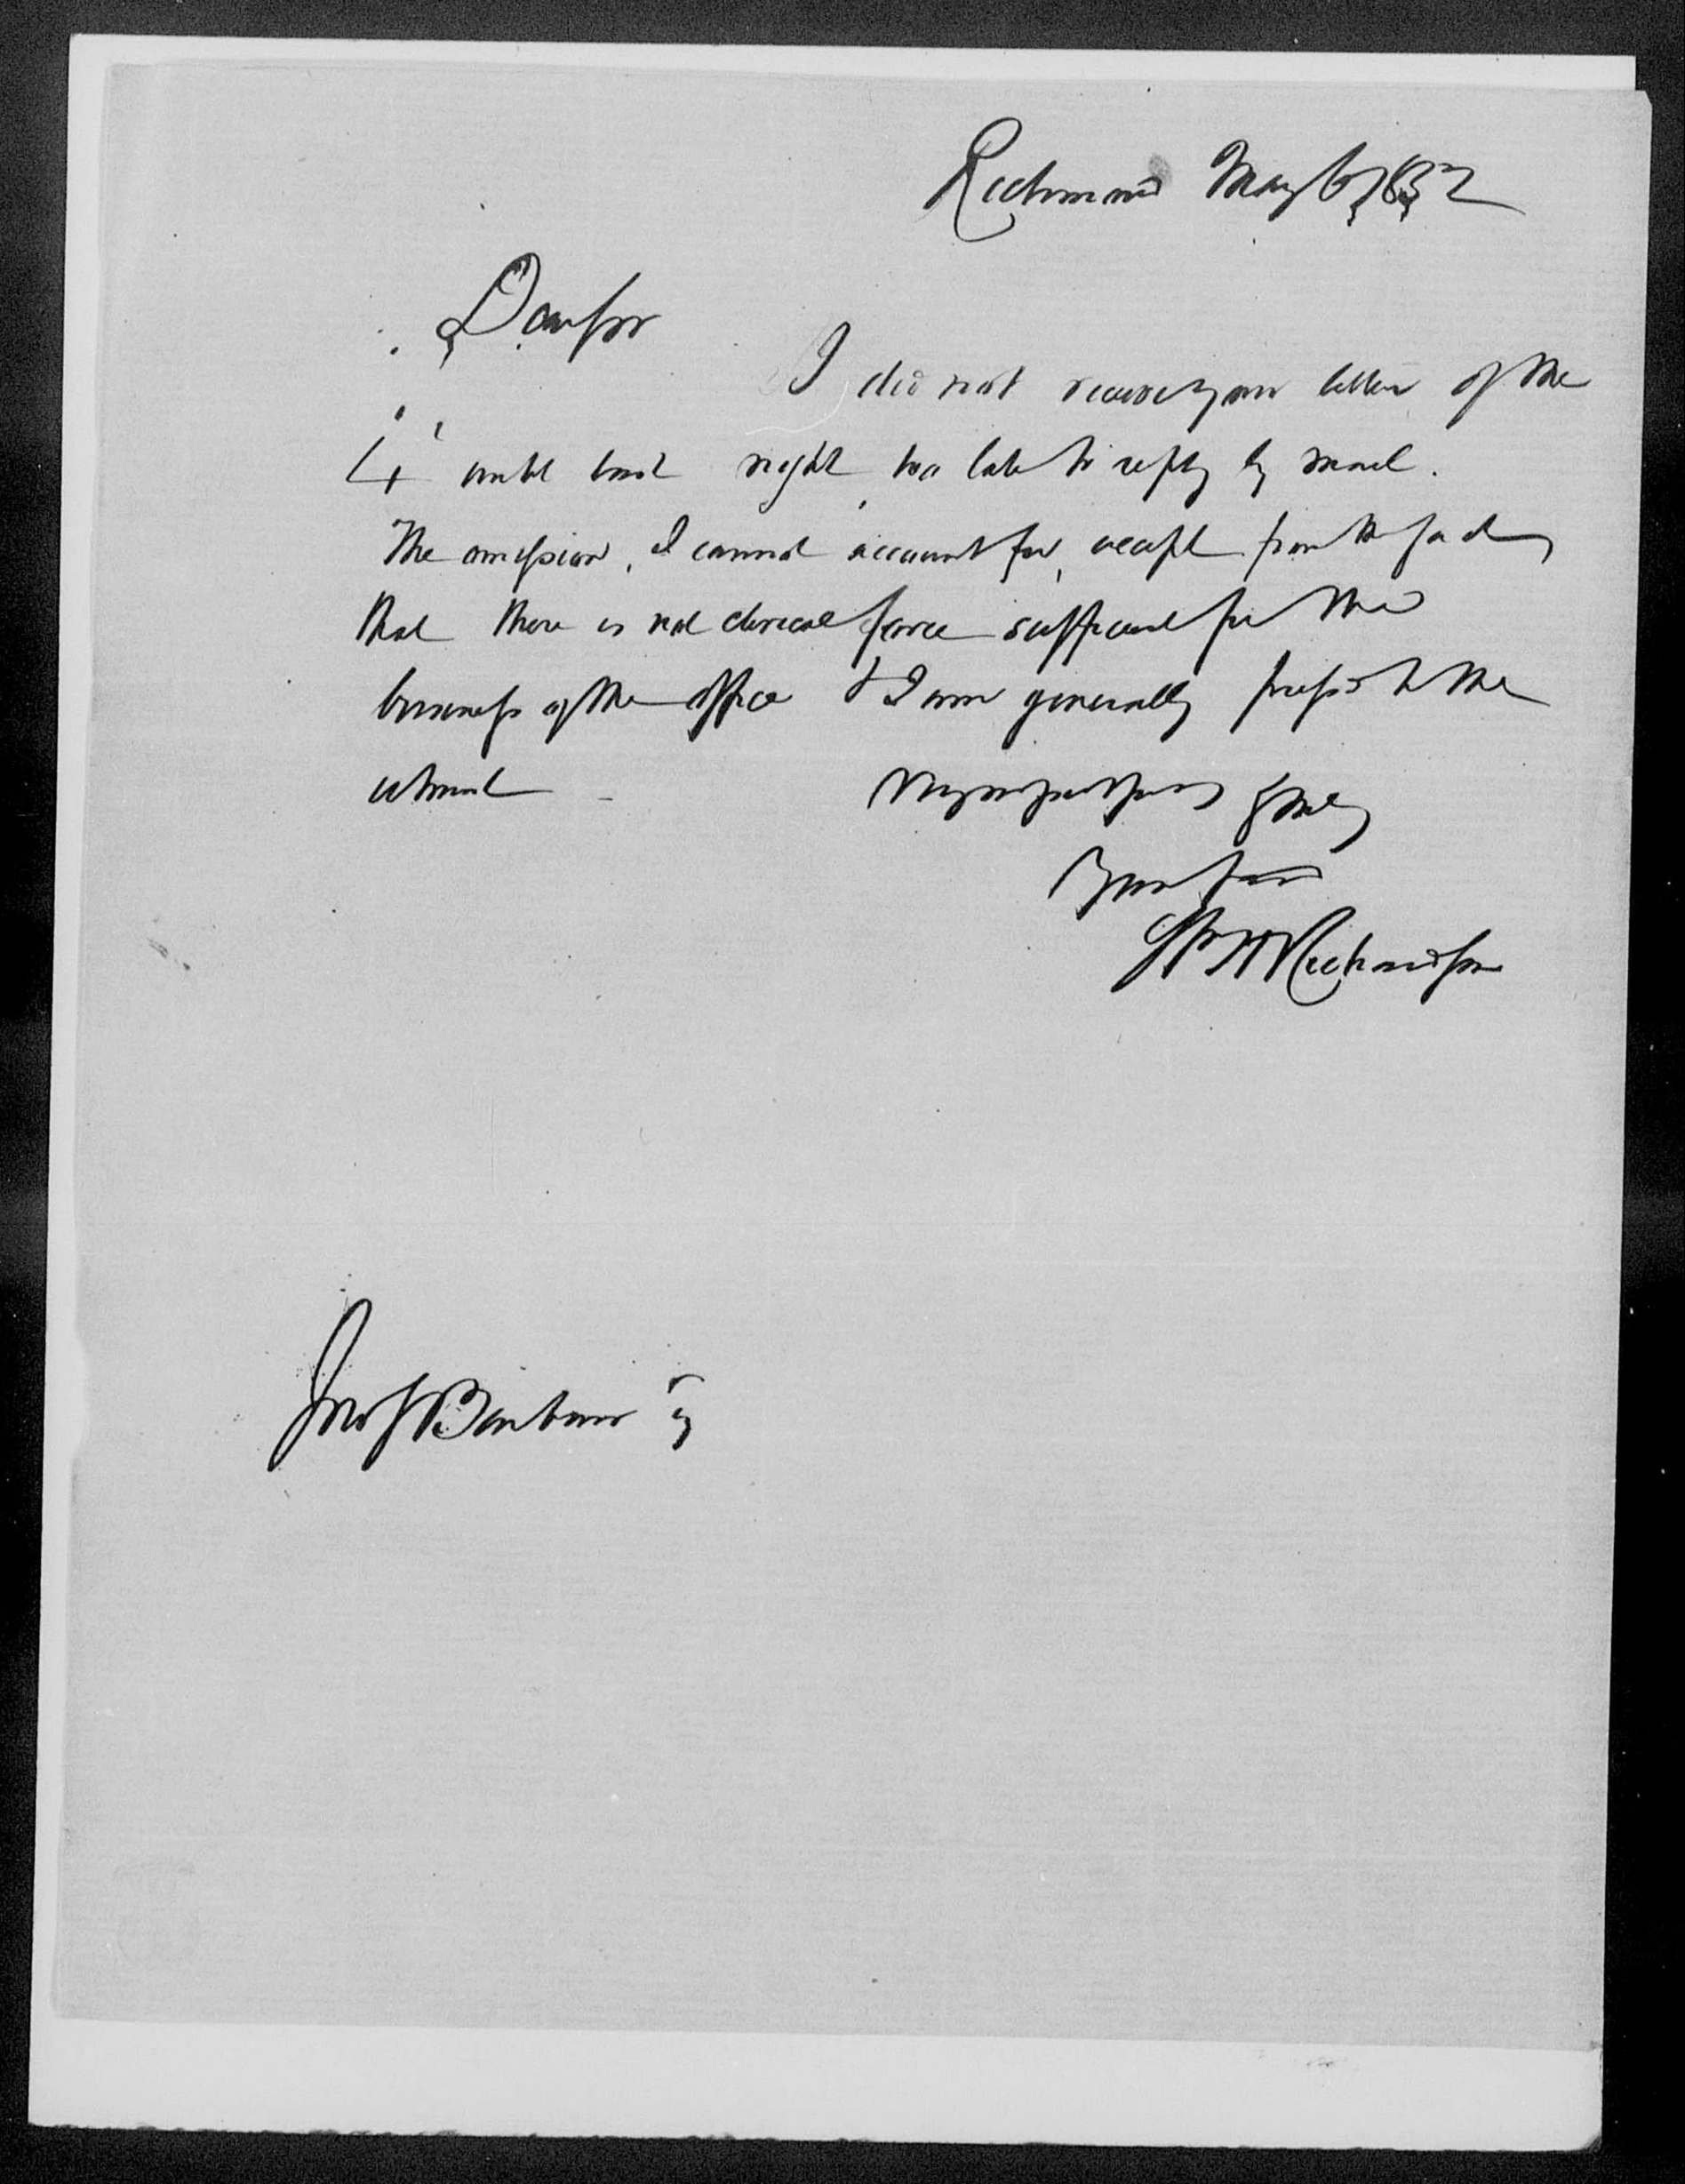Richmond May 6, 1832
Dear Sir
I did not receive your letter of Mc
4 until last night, too late to reply by mail. The omission, I cannot account for, except from the fact that there is not clerical force sufficient for the business of the office +[and] I am generally pressed the ultimate.
My respects as Truly
Your friend
Wm H Richardson


Jon S Barbour ;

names: Jno S Barbour, Crump, Wm H Richardson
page: 125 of 267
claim: widow's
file: W. 4,149, William Campbell, Va.